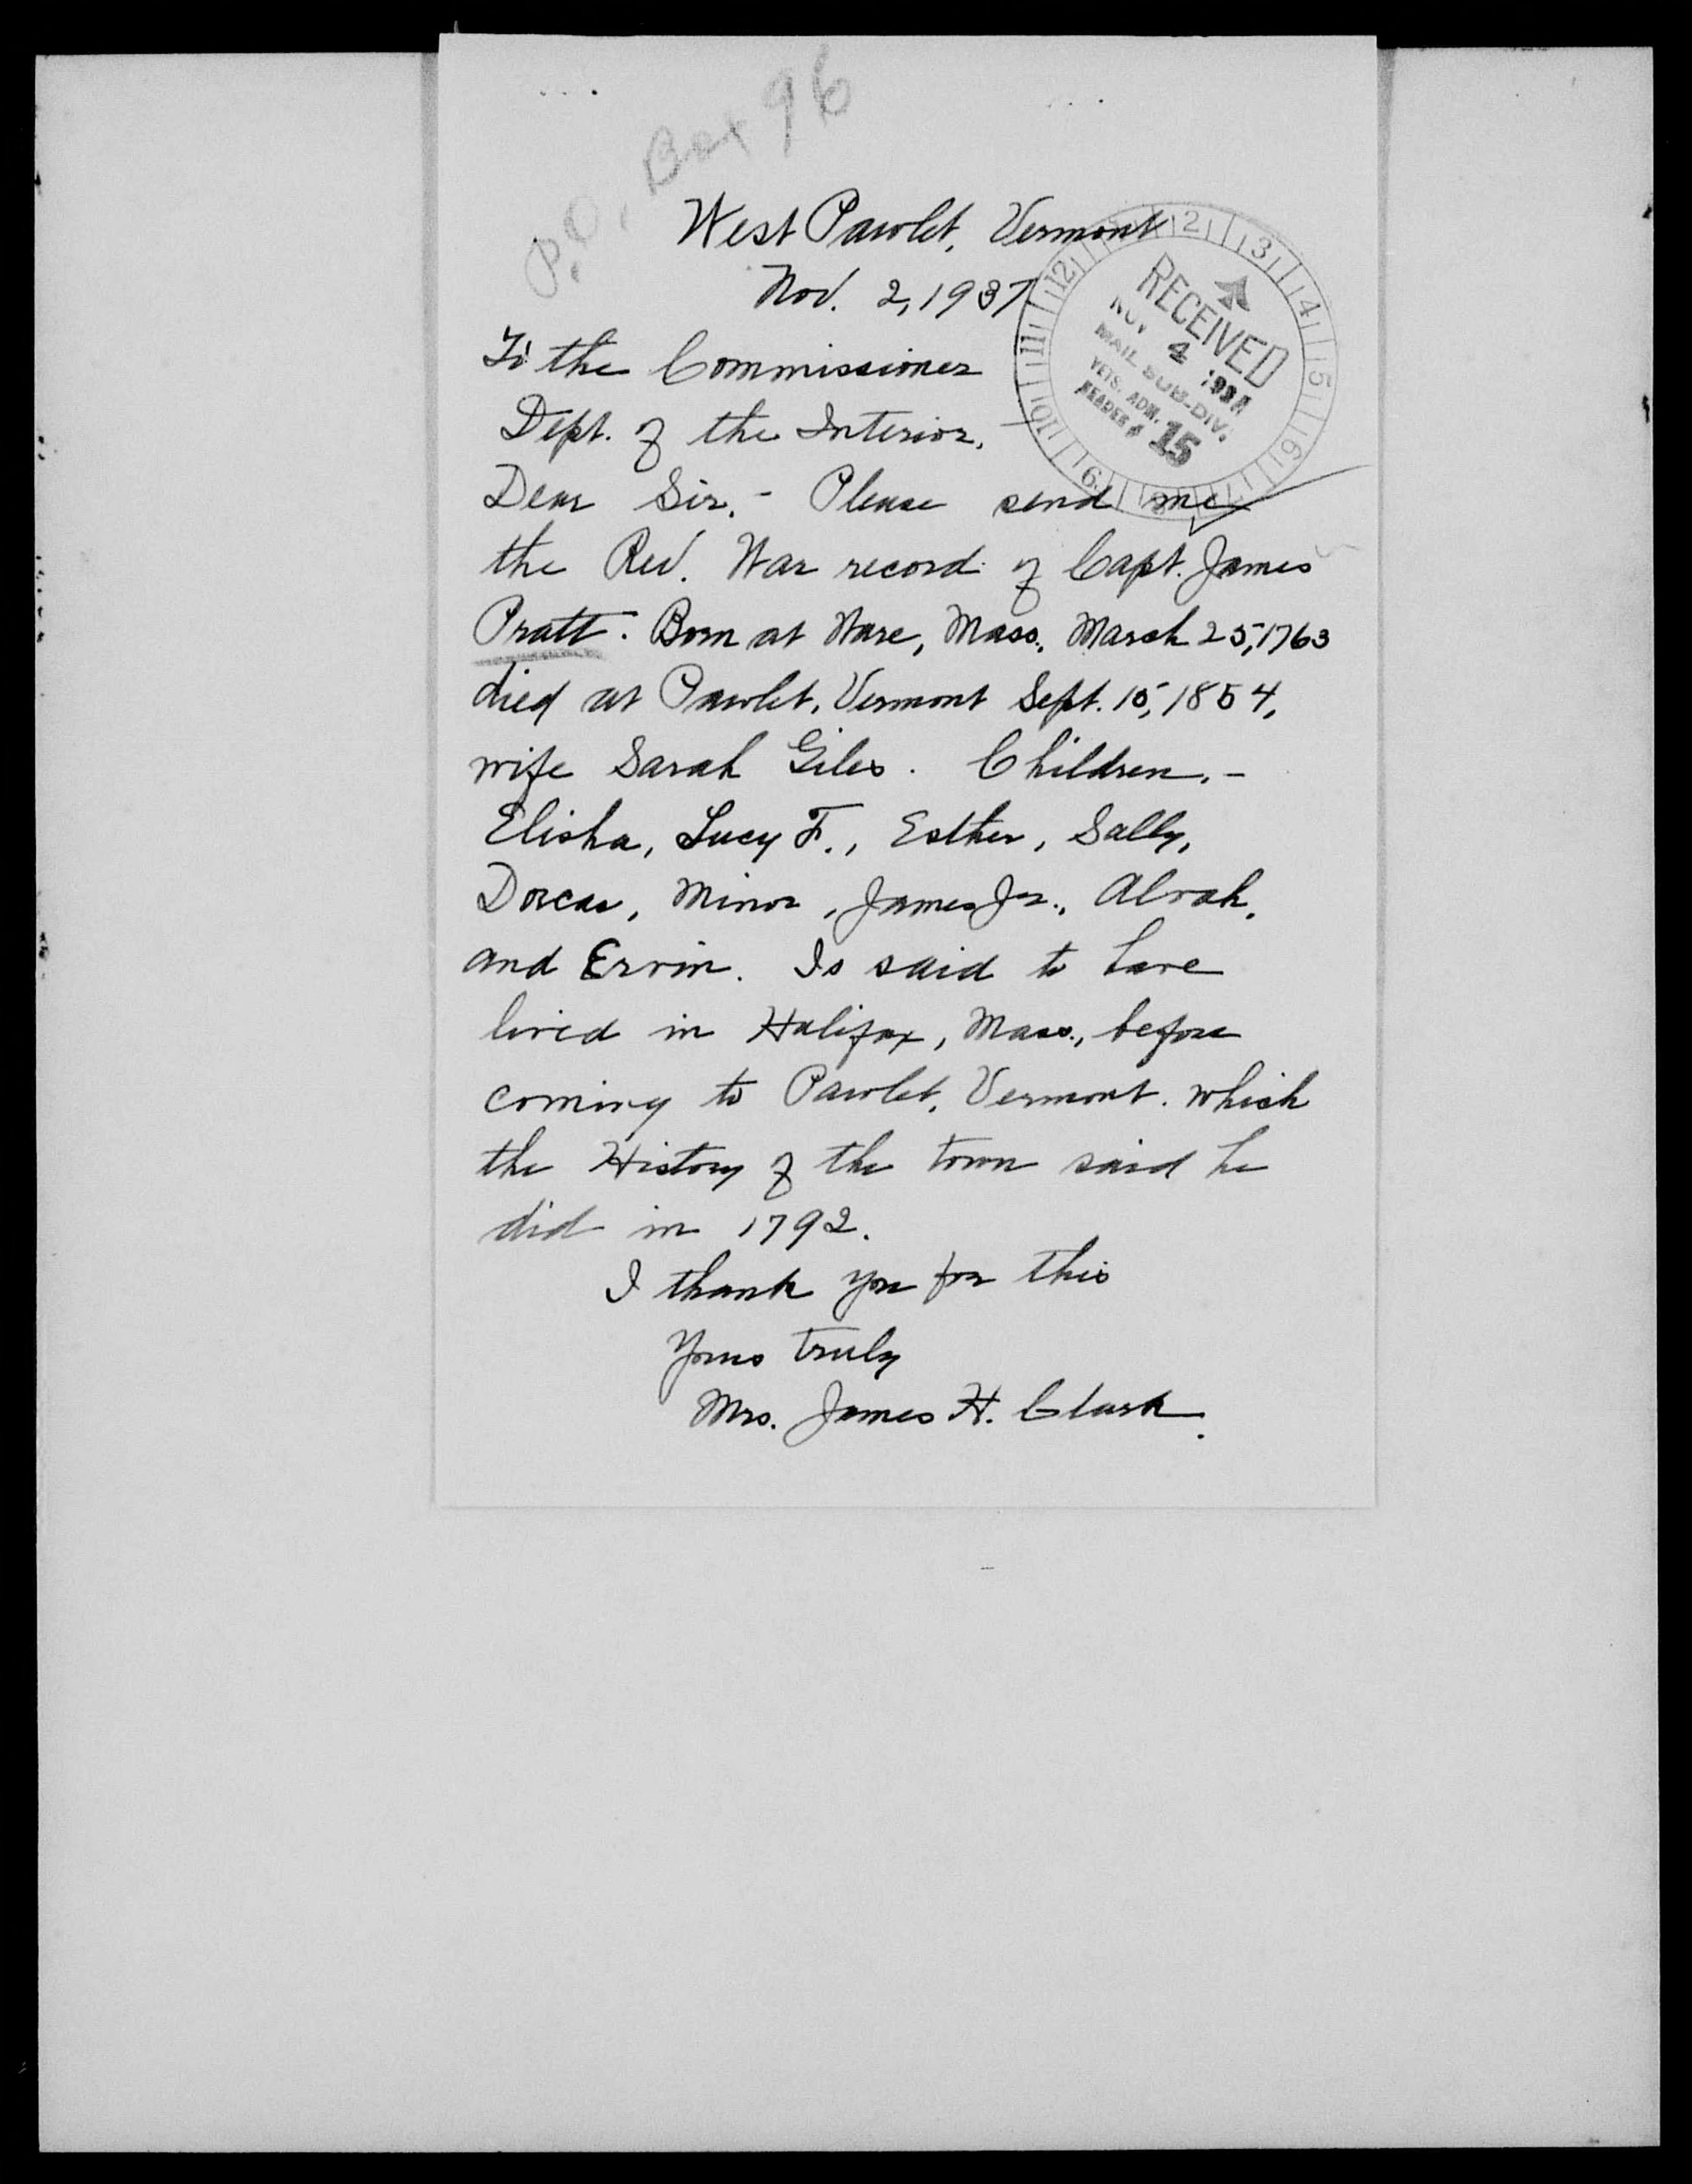P.O. Box 96
West Pawlet, Vermont
Nov. 2, 1937
RECEIVED NOV 4 193[] MAIL SUB-DIV VETS. ADM. [ ] 15
To the Commissioner
Dept. of the Interior
Dear Sir. Please send me
the Rev. War record of Capt. James
Pratt. Born at Ware, Mass, March 25, 1763
died at Pawlet, Vermont Sept. 10, 1854.
wife Sarah Giles Children
Elisha, Lucy F., Esther, Sally,
Dorcas, Minor, James Jr. Alvrah and
Ervin. Is said to have
lived in Halifax, Mass. before
coming to Pawlet, Vermont, which
the History of the town said he
did in 1792
I thank you for this
Yours truly
Mrs. James H. Clark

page: 23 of 29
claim: survivor's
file: S. 14,222, for James Pratt, Vermont